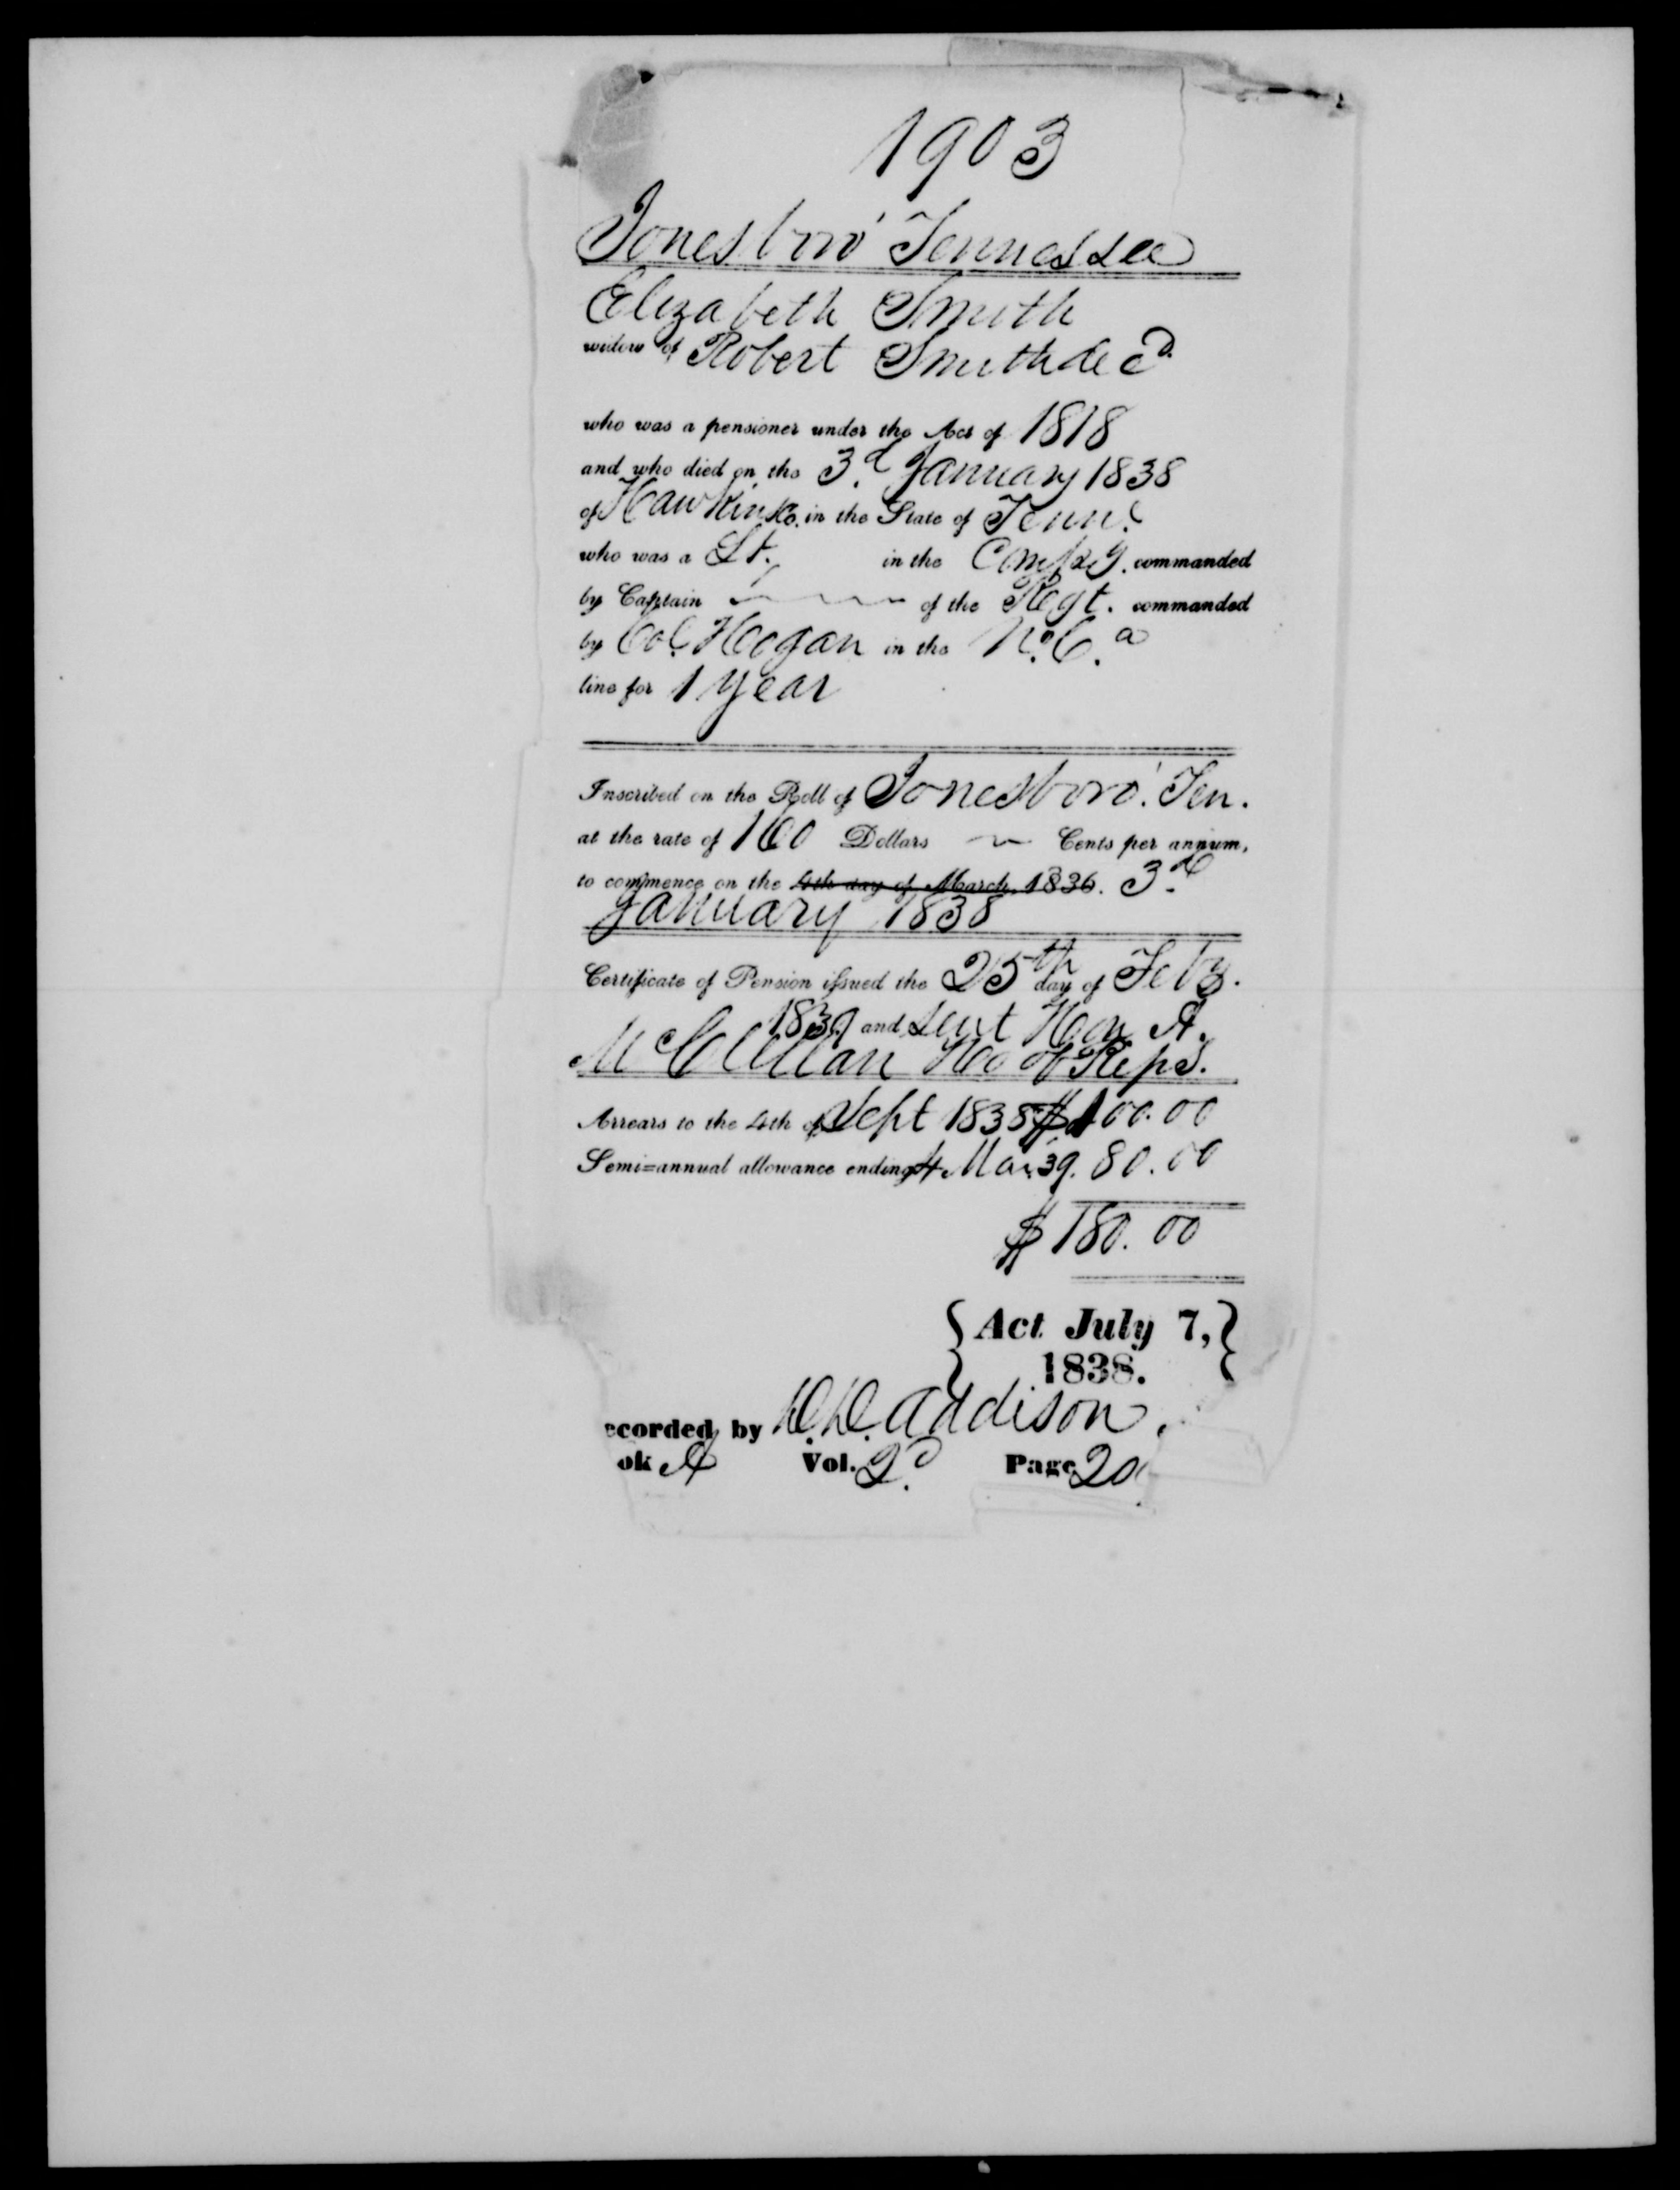1903
Jonesboro' Tennessee
Elizabeth Smith
widow of Robert Smith decd.
who was a pensioner under the Act of 1818 and who died on the 3d January 1838 of Hawkins Co. in the State of Tenns. who was a Lt. in the compy. commanded by Captain _ of the Regt. commanded by Col Hogan in the No.Ca. line for 1 year
Inscribed on the Roll of Jonesboro'. Ten. at the rate of 160 Dollars _ Cents per annum, to commence on the 3rd January 1838
Certificate of Pension issued the 25th day of Feby. 1839 and sent Hon.
A McClellan Ho of Reps.
Arrears to the 4th Sept 1838 $100.00
Semi=annual allowance ending 4 Mar '39. 80.00 = $180.00
Act July 7, 1838
Recorded by D D Addison
Book A Vol. 2d Page 20_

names: D D Addison; Robert Smith; [BLANK] Hogan; A Mc Clellan; Elizabeth Smith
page: 3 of 79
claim: widow's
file: W. 1504, for Robert Smith, North Carolina